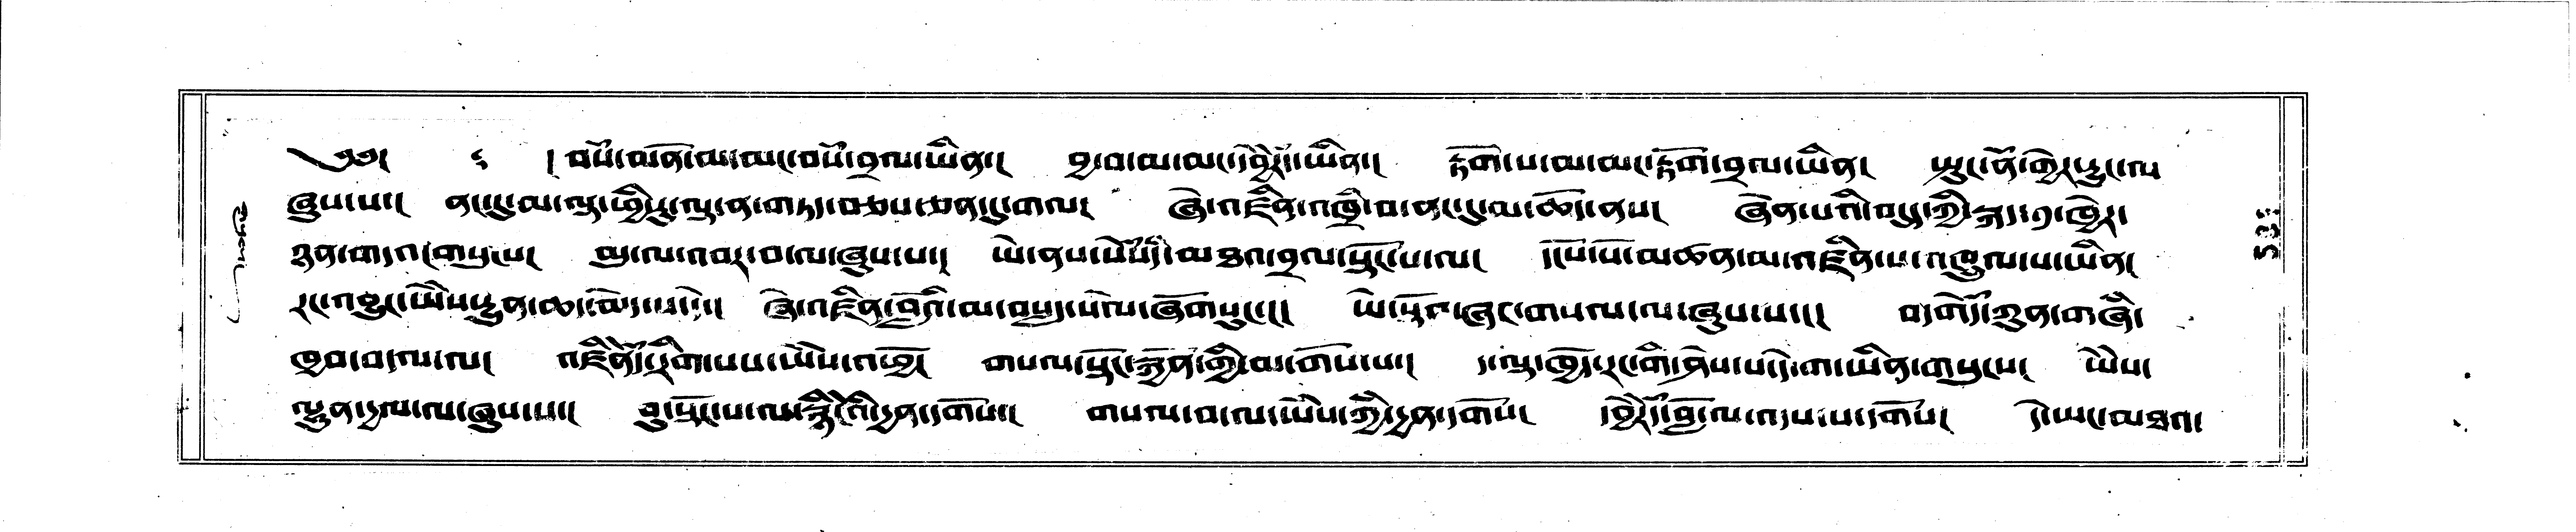བསམ་རྣོ་༼མནོ༽མ་མང་བསམ་བྲལ་ཡིན། བྱ་བ་མ་མང་བྱར་མེད་ཡིན། རྟོག་པ་མ་མང་རྟོག་བྲལ་ཡིན་གསུངས། སྤུངས་ནམ་གྱེར་རྒྱུང་ལ་
ཞུས་པ། ནང་དུ་མ་བལྟས་ཕྱི་རུ་བལྟས་ན་གཏད་བཅས་ཅན་དུ་གོལ། ཞེ་འཛིན་འཁྲི་བ་ནང་དུ་མ་ཆོད་ན། ཞེན་པ་བདུད་ཀྱི་སྐད་གཅིག་ཁྱེར་
ཉེན་གདའ་གསུངས། མུ་ལ་བྷར་(འབར)བ་ལ་ཞུས་པ། ཡེ་ནས་སེམས་ཉིད་མཐའ་བྲལ་སྟོང་བ་ལ། དངོས་པོ་མཚན་མ་འཛིན་པ་འཁྲུལ་པ་ཡིན། 
རང་འབྱུང་ཡེ་ཤེས་རྒྱུན་ཆད་མེད་པ་སྟེ། ཞེ་འཛིན་བློའི་མ་བསླད་སལེ་ཞོག་གསུངས། ཡེ་སྟོང་ཞང་གསལ་ལ་ཞུས་པ། བདག་མེད་ཀུན་གཞི་
ཁྱབ་བདལ་ལ། འཛིན་མེད་རིག་པའི་ཡེ་ཤེས་འཕྲོ། གསལ་སྟོང་སྐྱོན་གྱི་མ་གོས་པ། ད་ལྟ་ཁྱོད་རང་གིས་ཤེས་བ་དེ་ཀ་ཡིན་གསུངས། ཡེ་ཤེས་
ལྷུན་རྒྱལ་ལ་ཞུས་པ། བུ་སྟོང་པ་ལ་སྙིང་རྗེ་༼རྗེའི༽རྒྱན་གཅིག་དགོས། གསལ་བ་ལ་ཡེ་ཤེས་ཀྱི་རྒྱན་གཅིག་དགོས། བྱར་མེད་བློ་ལ་འདས་པ་དགོས། དེ་ཡང་